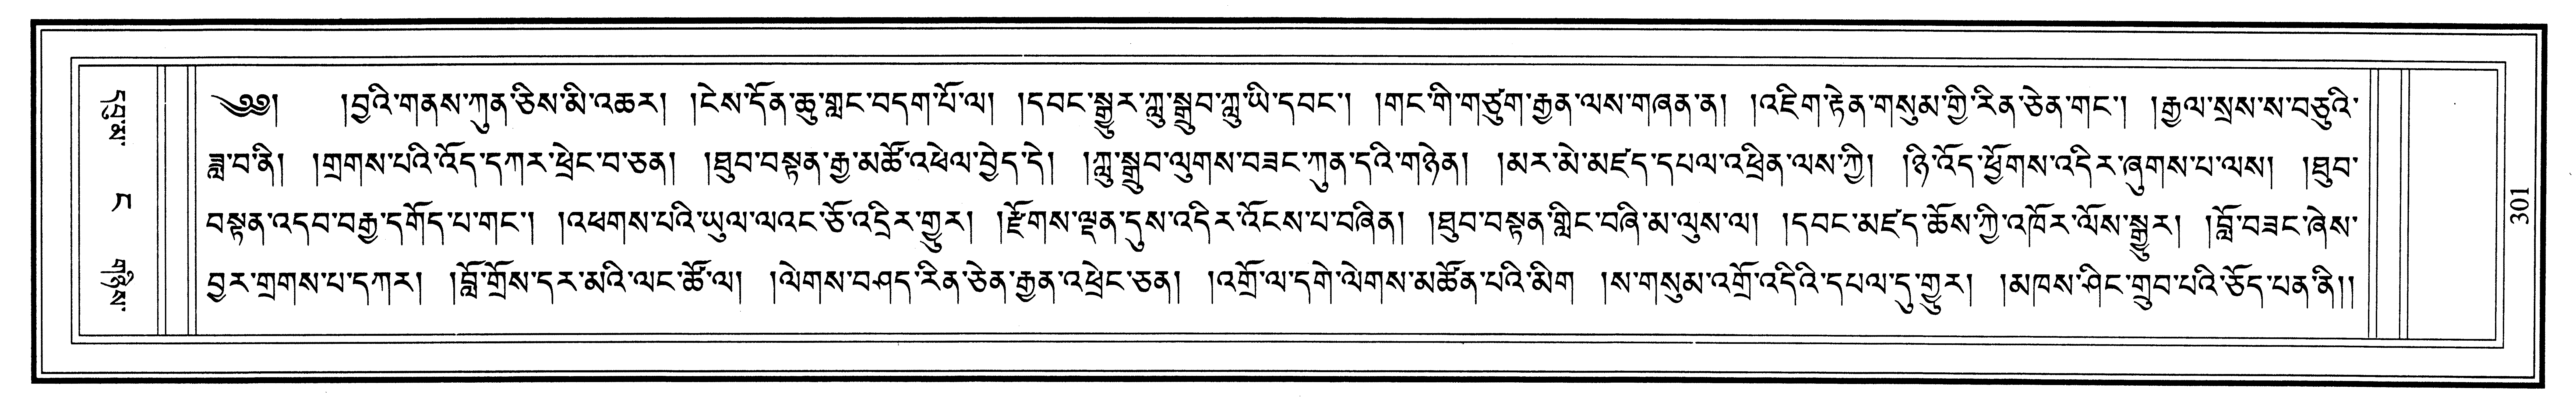༄༅། །བྱའི་གནས་ཀུན་ཅིས་མི་འཆར། །ངེས་དོན་ཆུ་གླང་བདག་པོ་ལ། །དབང་སྒྱུར་ཀླུ་སྒྲུབ་ཀླུ་ཡི་དབང་། །གང་གི་གཙུག་རྒྱན་ལས་གཞན་ན། །འཇིག་རྟེན་གསུམ་གྱི་རིན་ཅེན་གང་། །རྒྱལ་སྲས་ས་བཅུའི་
ཟླ་བ་ནི། །གྲགས་པའི་འོད་དཀར་ཕྲེང་བ་ཅན། །ཐུབ་བསྟན་རྒྱ་མཚོ་འཕེལ་བྱེད་དེ། །ཀླུ་སྒྲུབ་ལུགས་བཟང་ཀུན་དའི་གཉེན། །མར་མེ་མཛད་དཔལ་འཕྲིན་ལས་ཀྱི། །ཉི་འོད་ཕྱོགས་འདིར་ཞུགས་པ་ལས། །ཐུབ་
བསྟན་འདབ་བརྒྱ་དགོད་པ་གང་། །འཕགས་པའི་ཡུལ་ལའང་ཅོ་འདྲིར་གྱུར། །རྫོགས་ལྡན་དུས་འདིར་འོངས་པ་བཞིན། །ཐུབ་བསྟན་གླིང་བཞི་མ་ལུས་ལ། །དབང་མཛད་ཆོས་ཀྱི་འཁོར་ལོས་སྒྱུར། །བློ་བཟང་ཞེས་
བྱར་གྲགས་པ་དཀར། །བློ་གྲོས་དར་མའི་ལང་ཚོ་ལ། །ལེགས་བཤད་རིན་ཅེན་རྒྱན་འཕྲེང་ཅན། །འགྲོ་ལ་དགེ་ལེགས་མཚོན་པའི་མིག །ས་གསུམ་འགྲོ་འདིའི་དཔལ་དུ་གྱུར། །མཁས་ཤིང་གྲུབ་པའི་ཅོད་པན་ནི།།